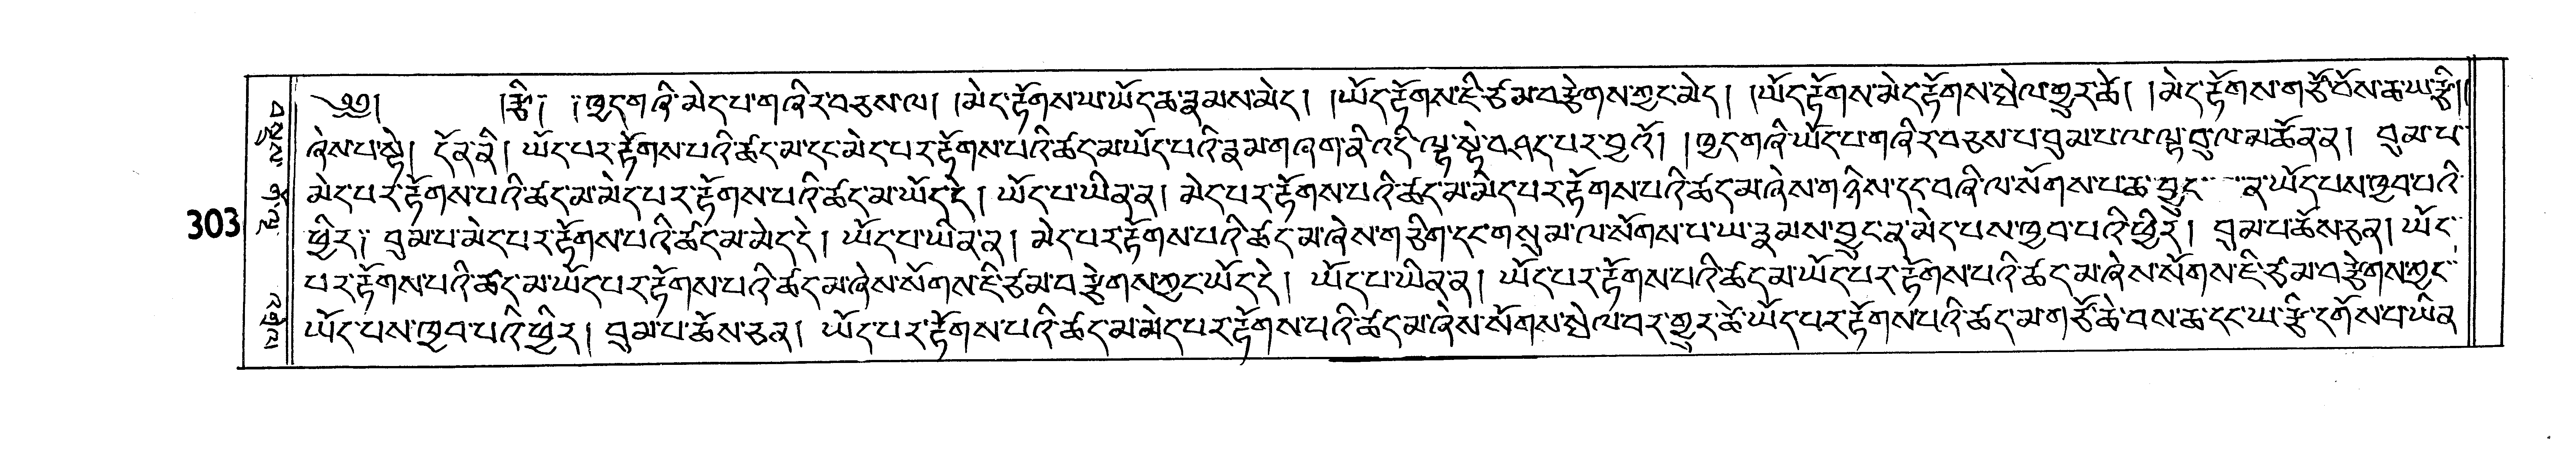༄༅། །རྩི༑ ༑ཁྱད་གཞི་མེད་པ་གཞིར་བཅས་ལ། །མེད་རྟོགས་ཡ་ཡོད་ཆ་རྣམས་མེད། །ཡོད་རྟོགས་ཇི་ཙམ་བརྩེགས་ཀྱང་མེད། །ཡོད་རྟོགས་མེད་རྟོགས་སྤེལ་གྱུར་ཚེ། །མེད་རྟོགས་གཙོ་བོས་ཆ་ཡ་རྩི།།
ཞེས་པ་སྟེ། དོན་ནི། ཡོད་པར་རྟོགས་པའི་ཚད་མ་དང་མེད་པར་རྟོགས་པའི་ཚད་མ་ཡོད་པའི་རྣམ་གཞག་ནི་འདི་ལྟ་སྟེ་བཤད་པར་བྱའོ། །ཁྱད་གཞི་ཡོད་པ་གཞིར་བཅས་པ་བུམ་པ་ལ་ལྟ་བུ་ལ་མཚོན་ན། བུམ་པ་
མེད་པར་རྟོགས་པའི་ཚད་མ་མེད་པར་རྟོགས་པའི་ཚད་མ་ཡོད་དེ། ཡོད་པ་མིན་ན། མེད་པར་རྟོགས་པའི་ཚད་མ་མེད་པར་རྟོགས་པའི་ཚད་མ་ཞེས་གཉིས་དང་བཞི་ལ་སོགས་པ་ཆ་བྱུང་བ་ན་ཡོད་པས་ཁྱབ་པའི་
ཕྱིར༑ བུམ་པ་མེད་པར་རྟོགས་པའི་ཚད་མ་མེད་དེ། ཡོད་པ་ཡིན་ན། མེད་པར་རྟོགས་པའི་ཚད་མ་ཞེས་གཅིག་དང་གསུམ་ལ་སོགས་པ་ཡ་རྣམས་བྱུང་ན་མེད་པས་ཁྱབ་པའི་ཕྱིར། བུམ་པ་ཆོས་ཅན། ཡོད་
པར་རྟོགས་པའི་ཚད་མ་ཡོད་པར་རྟོགས་པའི་ཚད་མ་ཞེས་སོགས་ཇི་ཙམ་བརྩེགས་ཀྱང་ཡོད་དེ། ཡོད་པ་ཡིན་ན། ཡོད་པར་རྟོགས་པའི་ཚད་མ་ཡོད་པར་རྟོགས་པའི་ཚད་མ་ཞེས་སོགས་ཇི་ཙམ་བརྩེགས་ཀྱང་
ཡོད་པས་ཁྱབ་པའི་ཕྱིར། བུམ་པ་ཆོས་ཅན། ཡོད་པར་རྟོགས་པའི་ཚད་མ་མེད་པར་རྟོགས་པའི་ཚད་མ་ཞེས་སོགས་སྤེལ་བར་གྱུར་ཚེ་ཡོད་པར་རྟོགས་པའི་ཚད་མ་གཙོ་ཆེ་བས་ཆ་དང་ཡ་རྩི་དགོས་པ་ཡིན་